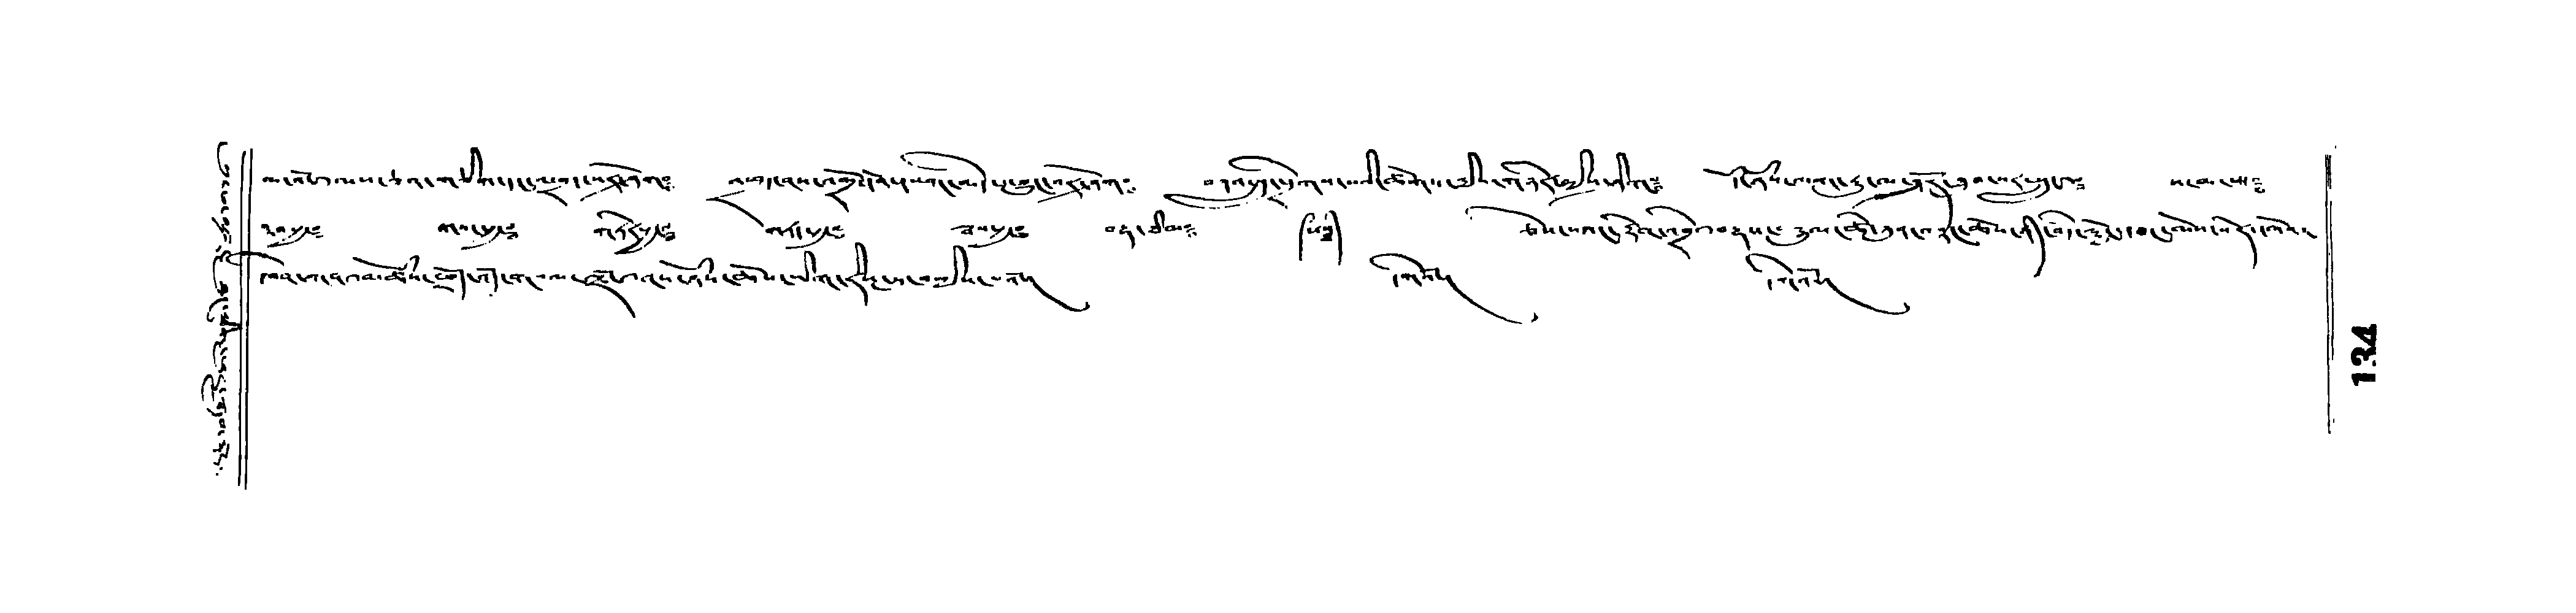མ་འོངས་ལས་ཅན་གཅིག་དང་འཕྲད་པར་ཤོག༔ འཕྲད་ནས་འགྲོ་དོན་དཔག་མེད་འབྱུང་བར་ཤོག༔ བཀའ་སྲུང་དྲེགས་པའི་ཚོགས་ཀྱིས་གཉེར་གྱིས་ཤིག༔ དམ་ཉམས་ལག་ཏུ་མ་ཤོར་ཐུབ་པར་སྲུངས༔ ས་མ་ཡ༔ 
ཟབ་རྒྱ༔ གསང་རྒྱ༔ གཏེར་རྒྱ༔ གཏད་རྒྱ༔ སྦས་རྒྱ༔ བརྡ་ཐིམ༔ ༔ ཅེས་པའང་རྟེན་འབྲེལ་གྱི་བརྡས་བསྐུལ་ཚེ་ཀུན་བཟང་ཆོས་ཉིད་བདེ་སྐྱོང་དབང་མོས་སེར་དགོན་
དབེན་གནས་མཚམས་ཕྲོད་འོད་གསལ་ལྗོངས་ནས་ཉམས་ཆོས་ཡིག་རིས་སུ་བགྱིས་པའོ།། དགེའོ།།